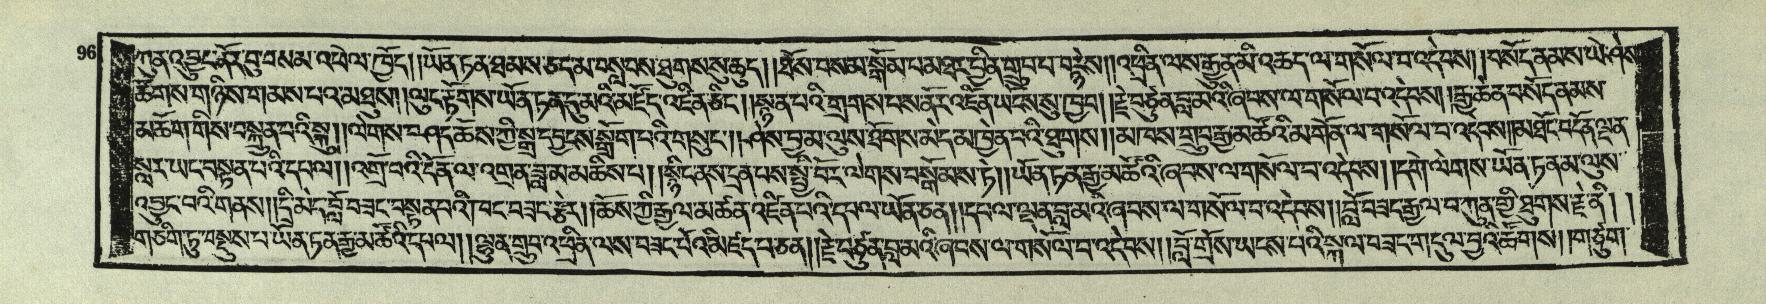ཀུན་འབྱུང་ནོར་བུ་བསམ་འཕེལ་ཁྱོད། །ཡོན་ཏན་ཐམས་ཅད་མ་བསླབས་ཐུགས་སུ་ཆུད། །ཐོས་བསམ་སྒོམ་པ་མཐར་བྱིན་གྲུབ་པ་བརྙེས། །འཕྲིན་ལས་རྒྱུན་མི་འཆད་ལ་གསོལ་བ་འདེབས། །བསོད་ནམས་ཡེ་ཤེས་
ཚོགས་གཉིས་གམས་པའ་མཐུས། །ལུང་རྟོགས་ཡོན་ཏན་དུ་མའི་མཛོད་འཛིན་ཅིང་། །སྙན་པའི་གྲགས་པས་ནོར་འཛིན་ཡོངས་སུ་ཁྱབ། །རྗེ་བཙུན་བླ་མའི་ཞབས་ལ་གསོལ་བ་འདེབས། །རྒྱ་ཆེན་བསོད་ནམས་
མཆོག་གིས་བསྐྲུན་པའི་སྐུ། །ལེགས་བཤད་ཆོས་ཀྱི་སྒྲ་དབྱངས་སྒྲོག་པའི་གསུང་། །ཤེས་བྱ་མ་ལུས་ཐོགས་མེད་མཁྱེན་པའི་ཐུགས། །མཁས་གྲུབ་རྒྱ་མཚོའི་མགོན་ལ་གསོལ་བ་འདེབས། །མཐོང་བ་དོན་ལྡན་
སླར་ཡང་བསྟན་པའི་དཔལ། །འགྲོ་བའི་དོན་ལ་འགྲན་ཟླ་མ་མཆིས་པ། །སྙིང་ནས་དྲན་པས་སྤྱི་བོར་ལེགས་བསྒོམས་ཏེ། །ཡོན་ཏན་རྒྱ་མཚོའི་ཞབས་ལ་གསོལ་བ་འདེབས། །དགེ་ལེགས་ཡོན་ཏན་མ་ལུས་
འབྱུང་བའི་གནས། །དྲི་མེད་བློ་བཟང་བསྟན་པའི་ཁང་བཟང་རྩེར། །ཆོས་ཀྱི་རྒྱལ་མཚན་འཛིན་པའི་དཔལ་ཡོན་ཅན། །དཔལ་ལྡན་བླ་མའི་ཞབས་ལ་གསོལ་བ་འདེབས། །བློ་བཟང་རྒྱལ་བ་ཀུན་གྱི་ཐུགས་རྗེ་ནི། །
གཅིག་ཏུ་བསྡུས་པ་ཡོན་ཏན་རྒྱ་མཚོའི་དཔལ། །ལྷུན་གྲུབ་འཕྲིན་ལས་བཟང་པོའི་མཛད་པ་ཅན། །རྗེ་བཙུན་བླ་མའི་ཞབས་ལ་གསོལ་བ་འདེབས། །བློ་གྲོས་ཡངས་པའི་སྐལ་བཟང་གདུལ་བྱའི་ཚོགས། །གཙུག་